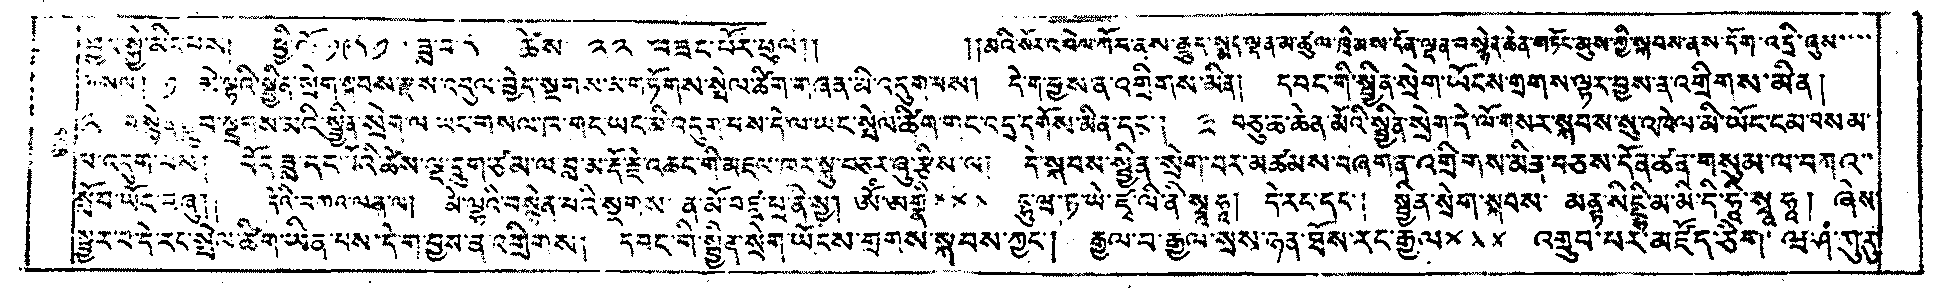བྱང་སྐྱེ་མིང་པས། ཕྱི་ལོ ༡༩༨༡་ཟླ་བ ༨་ཚེས ༢༢་བཟང་པོར་ཕུལ།། །།མའི་སོར་འབེལ་ཀོབ་ནས་རྒྱུད་སྨད་ལྡན་མ་ཚུལ་ཁྲིམས་དོན་ལྡན་བསྙེན་ཆེན་གཏོང་མུས་ཀྱི་སྐབས་ནས་དོག་འདྲི་ཞུས་
གསལ། ༡་མེ་ལྷའི་སྤྱིན་སྲེག་སྐབས་རྫས་འབུལ་བྱེད་སྔགས་མ་གཏོགས་སྤེལ་ཚིག་གཞན་མི་འདུག་པས། དེ་ག་བྱས་ན་འགྲིགས་མིན། དབང་གི་སྦྱིན་སྲེག་ཡོངས་གྲགས་ལྟར་བྱས་ན་འགྲིགས་མིན།
༢་བསྙེན་སྒྲུབ་སྦྲགས་མའི་སྦྱིན་སྲེག་ལ་ཡང་གསལ་ཁ་གང་ཡང་མི་འདུག་པས་དེ་ལ་ཡང་སྤེལ་ཚིག་གང་འདྲ་དགོས་མིན་དང་། ༣་བཅུ་ཆ་ཆེན་མོའི་སྦྱིན་སྲེག་དེ་ལོ་གསར་སྐབས་སུ་འཁེལ་མི་ཡོང་ངམ་བསམ་
པ་འདུག་པས། བོད་ཟླ་དང་པོའི་ཚེས་ལྔ་དྲུག་ཙམ་ལ་བླ་མ་རྡོ་རྗེ་འཆང་གི་མཇལ་ཁར་སྐུ་བཅར་ཞུ་རྩིས་ལ། དེ་སྐབས་སྦྱིན་སྲེག་བར་མཚམས་བཞག་ན་འགྲིགས་མིན་བཅས་དོན་ཚན་གསུམ་ལ་བཀའ་
སློབ་ཡོང་བ་ཞུ།། དེའི་བཀའ་ལན་ལ། མེ་ལྷའི་བསྙེན་པའི་སྔགས་ན་མོ་བཛྲ་པྲ་ནི་སྱ། ཨོཾ་ཨགནི྾྾྾་དྷུ་ཝ་ཏ་ཡེ་ཛྭ་ལི་ནི་སྭཱཧཱ། དེ་རང་དང་། སྦྱིན་སྲེག་སྐབས་མནྟ་སིདྡྷི་མ་མི་དི་ཧཱི་སྭཱཧཱ། ཞེས་
སྦྱར་བ་དེ་རང་སྤེལ་ཚིག་ཡིན་པས་དེ་ག་བྱས་ན་འགྲིགས། དབང་གི་སྦྱིན་སྲེག་ཡོངས་གྲགས་སྐབས་ཀྱང་། རྒྱལ་བ་རྒྱལ་སྲས་ཉན་ཐོས་རང་རྒྱལ་྾་྾་྾་འགྲུབ་པར་མཛོད་ཅིག་ཝ་ཤཾ་ཀུ་རུ་